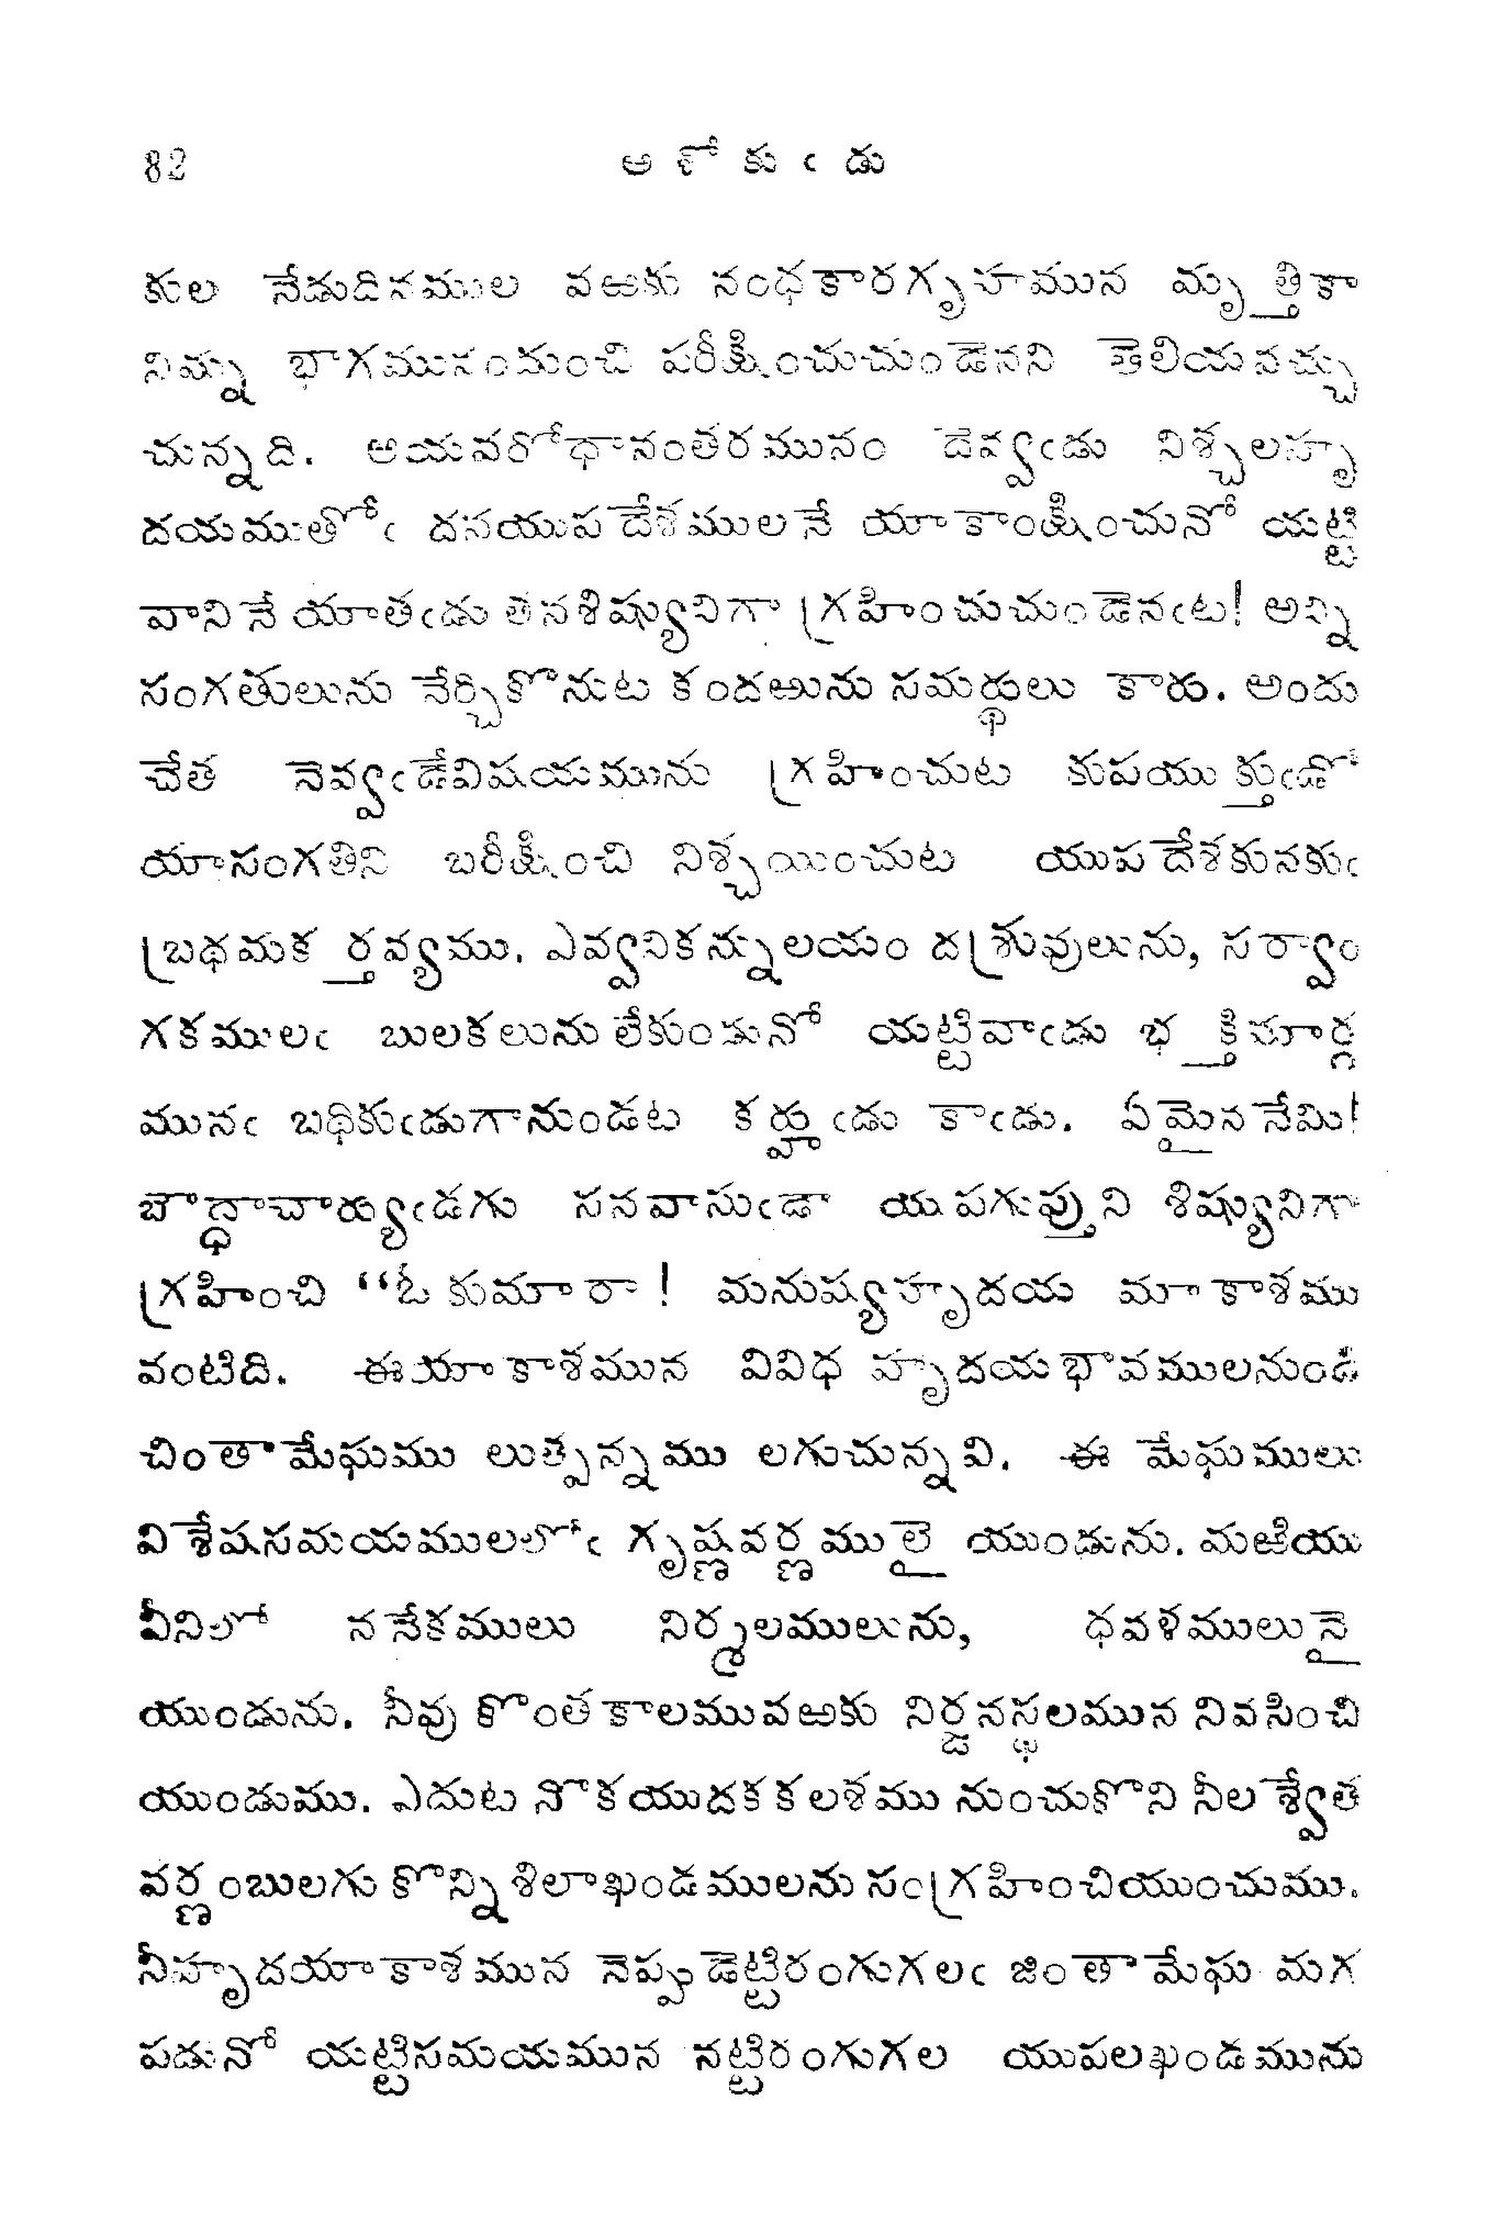కుల నేడుదినముల వఱకు, నంధకారగృహమున మృత్తికా నిమ్న భాగమునందుంచి పరీక్షించుచుండెనని తెలియవచ్చు చున్నది. అయవరోధానంతరమునం దెవ్వఁడు నిశ్చలహృదయముతోఁ దనయుప దేశముల నే యాకాంక్షించునో యట్టి వానినే యాతఁడు తనశిష్యునిగా గ్రహించుచుండెనఁట! అన్ని సంగతులును నేర్చి కొనుట కందఱును సమర్థులు కారు. అందుచేత నెవ్వఁ డే విషయమును గ్రహించుట కుపయు క్తుఁడో యాసంగతిని బరీక్షించి నిశ్చయించుట యుప దేశకునకుఁ బ్రథమక ర్తవ్యము, ఎవ్వని కన్నులయం దశ్రువులును, సర్వాంగకముల బులకలును లేకుండునో యట్టివాఁడు భక్తిమార్గమునఁ బథికుఁడుగానుండట కర్హుఁడు కాఁడు. ఏమైననేమి ! బౌద్ధాచార్యుఁడగు సనవాసుఁడౌ యుపగుప్తుని శిష్యునిగా
గ్రహించి " ఓ కుమారా! మనుష్యహృదయ మాకాశము వంటిది. ఈయా కాశమున వివిధ హృదయ భావములనుండి చింతా మేఘము లుత్పన్నము లగుచున్నవి. ఈ మేఘములు
విశేషసమయములలోఁ గృష్ణవర్ణము లై యుండును. మఱియు వీనిలో న నేకములు నిర్మలములును, ధవళములునై యుండును. నీవు కొంత కాలము వఱకు నిర్జనస్థలమున నివసించి యుండుము. ఎదుట నొక యుదక కలశము నుంచుకొని నీల శ్వేత వర్ణంబులగు కొన్ని శిలాఖండములను సంగ్రహించియుంచుము. నీ హృదయాకాశమున నెప్పు డెట్టిరంగుగలఁ జింతా మేఘ మగ పడునో యట్టిసమయమున నట్టిరంగుగల యుపల ఖండమును